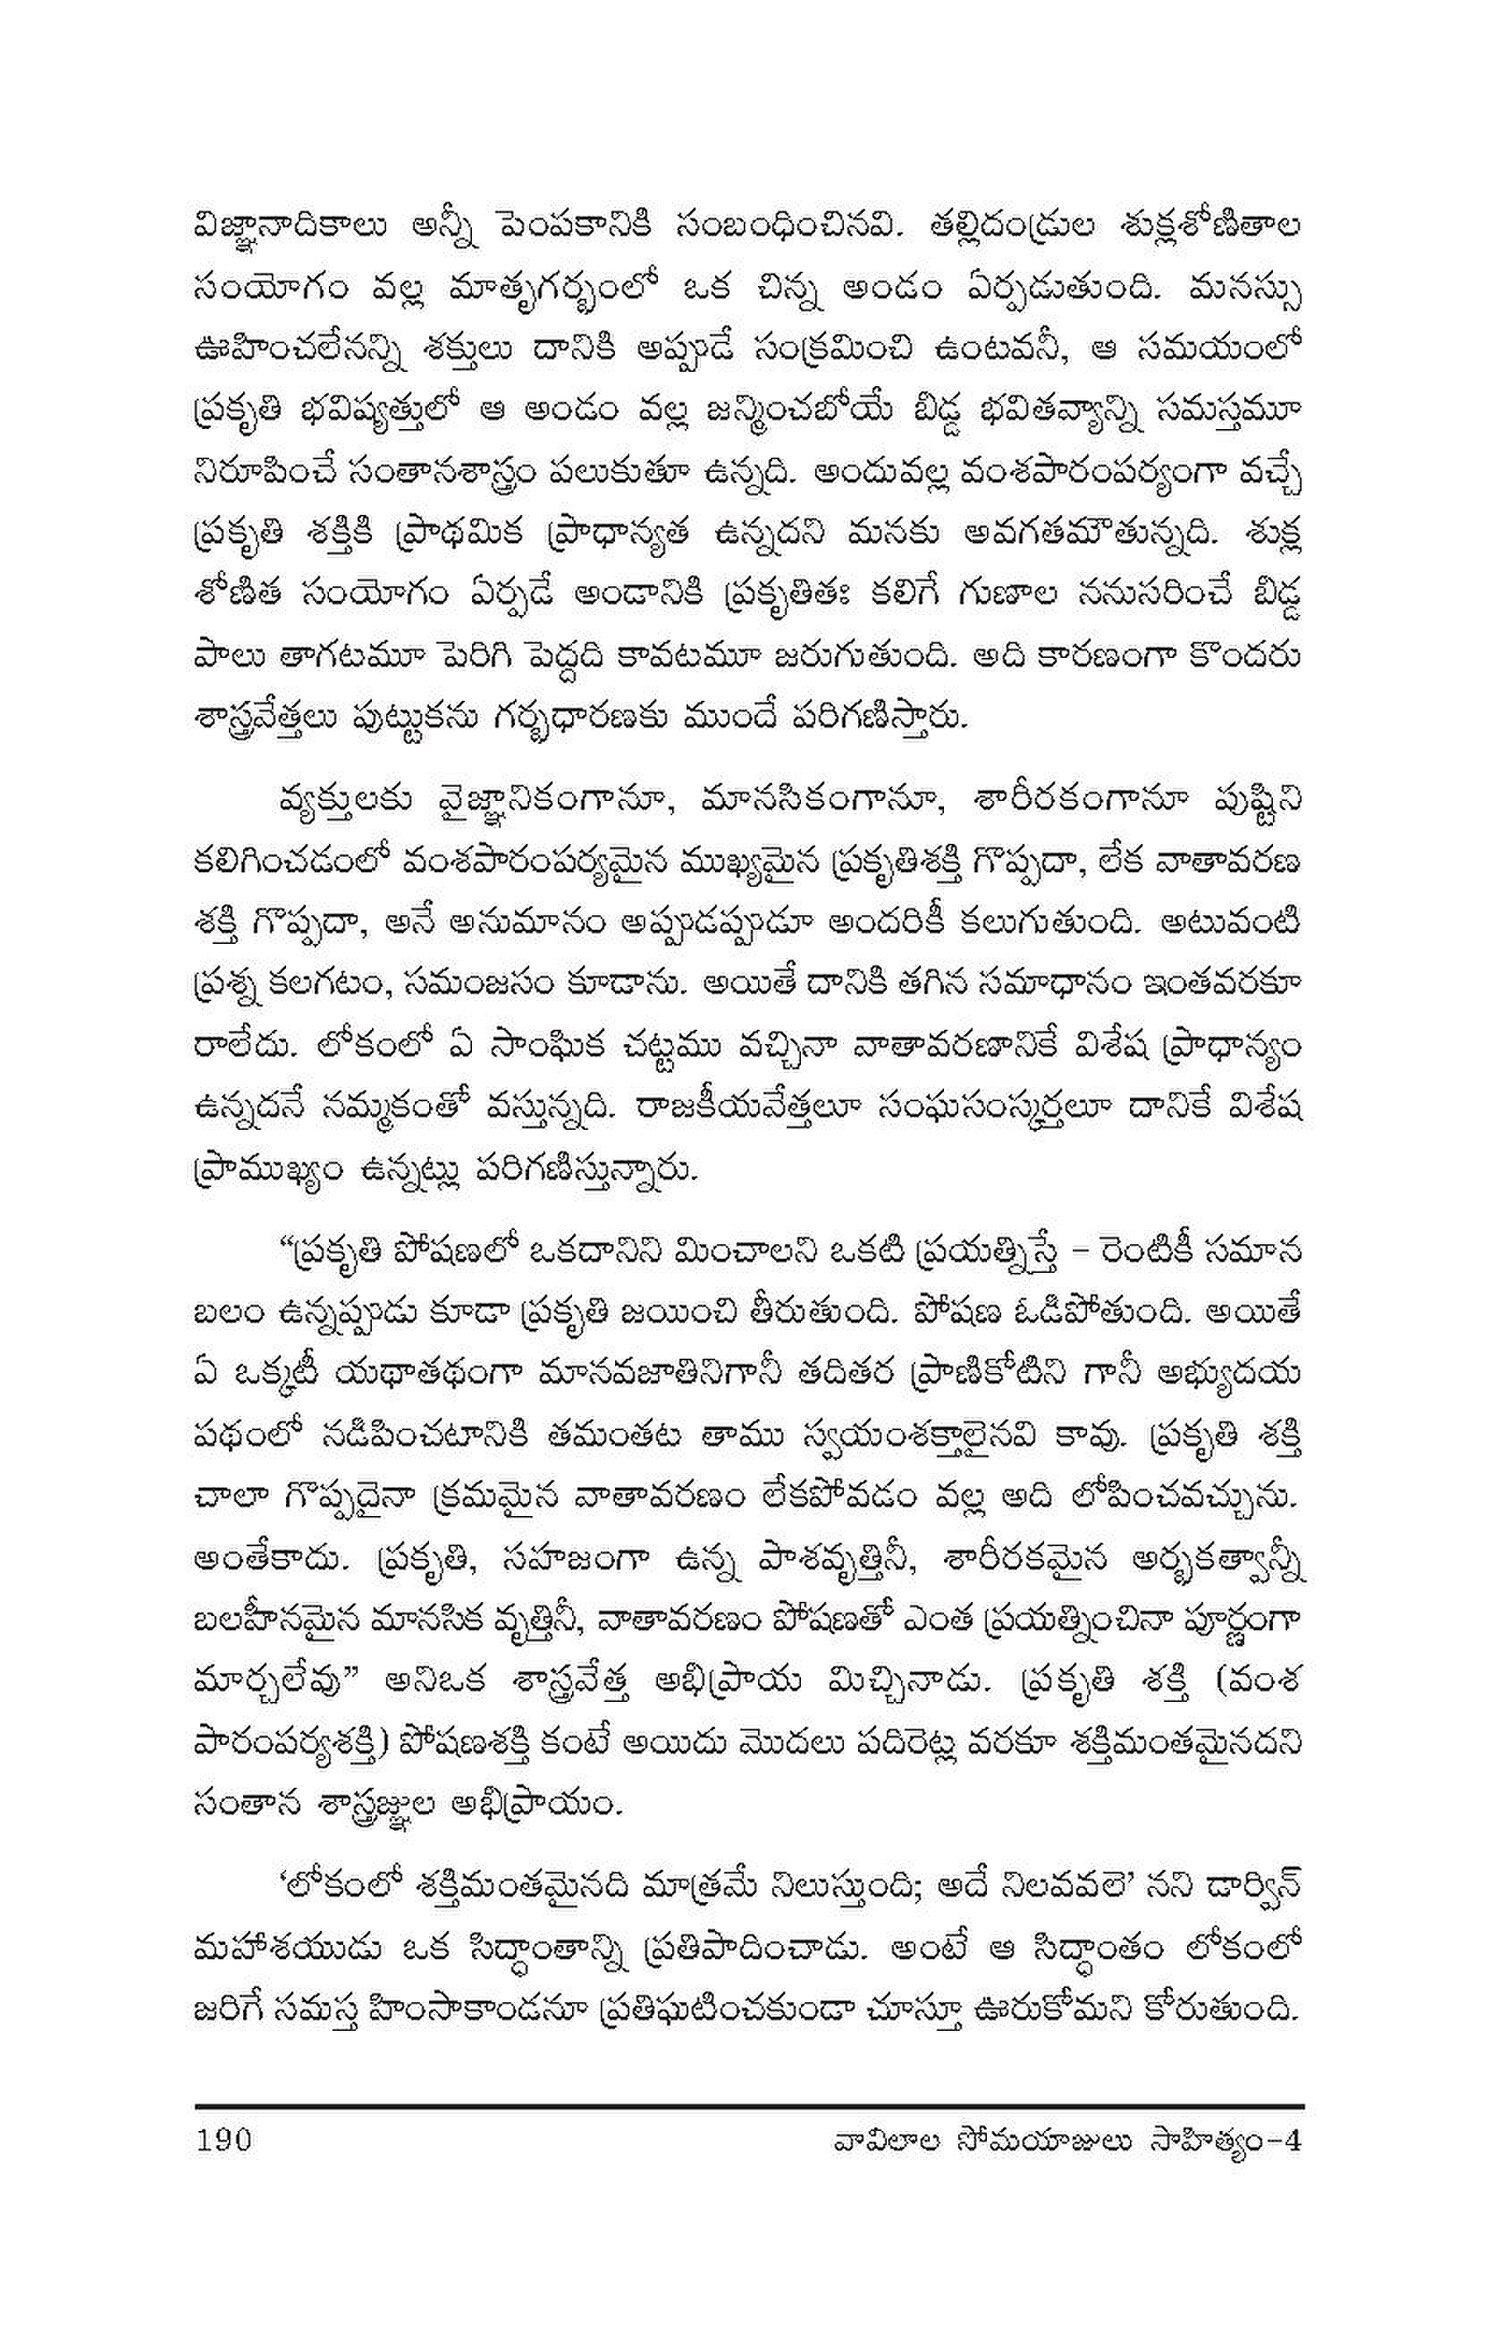విజ్ఞానాదికాలు అన్నీ పెంపకానికి సంబంధించినవి. తల్లిదండ్రుల శుక్లశోణితాల
సంయోగం వల్ల మాతృగర్భంలో ఒక చిన్న అండం ఏర్పడుతుంది. మనస్సు
ఊహించలేనన్ని శక్తులు దానికి అప్పుడే సంక్రమించి ఉంటవనీ, ఆ సమయంలో
ప్రకృతి భవిష్యత్తులో ఆ అండం వల్ల జన్మించబోయే బిడ్డ భవితవ్యాన్ని సమస్తమూ
నిరూపించే సంతానశాస్త్రం పలుకుతూ ఉన్నది. అందువల్ల వంశపారంపర్యంగా వచ్చే
ప్రకృతి శక్తికి ప్రాథమిక ప్రాధాన్యత ఉన్నదని మనకు అవగతమౌతున్నది. శుక్ల
శోణిత సంయోగం ఏర్పడే అండానికి ప్రకృతితః కలిగే గుణాల ననుసరించే బిడ్డ
పాలు తాగటమూ పెరిగి పెద్దది కావటమూ జరుగుతుంది. అది కారణంగా కొందరు
శాస్త్రవేత్తలు పుట్టుకను గర్భధారణకు ముందే పరిగణిస్తారు.

వ్యక్తులకు వైజ్ఞానికంగానూ, మానసికంగానూ, శారీరకంగానూ పుష్టిని
కలిగించడంలో వంశపారంపర్యమైన ముఖ్యమైన ప్రకృతిశక్తి గొప్పదా, లేక వాతావరణ
శక్తి గొప్పదా, అనే అనుమానం అప్పుడప్పుడూ అందరికీ కలుగుతుంది. అటువంటి
ప్రశ్న కలగటం, సమంజసం కూడాను. అయితే దానికి తగిన సమాధానం ఇంతవరకూ
రాలేదు. లోకంలో ఏ సాంఘిక చట్టము వచ్చినా వాతావరణానికే విశేష ప్రాధాన్యం
ఉన్నదనే నమ్మకంతో వస్తున్నది. రాజకీయవేత్తలూ సంఘసంస్కర్తలూ దానికే విశేష
ప్రాముఖ్యం ఉన్నట్లు పరిగణిస్తున్నారు.

"ప్రకృతి పోషణలో ఒకదానిని మించాలని ఒకటి ప్రయత్నిస్తే - రెంటికీ సమాన
బలం ఉన్నప్పుడు కూడా ప్రకృతి జయించి తీరుతుంది. పోషణ ఓడిపోతుంది. అయితే
ఏ ఒక్కటీ యథాతథంగా మానవజాతినిగానీ తదితర ప్రాణికోటిని గానీ అభ్యుదయ
పథంలో నడిపించటానికి తమంతట తాము స్వయంశక్తాలైనవి కావు. ప్రకృతి శక్తి
చాలా గొప్పదైనా క్రమమైన వాతావరణం లేకపోవడం వల్ల అది లోపించవచ్చును.
అంతేకాదు. ప్రకృతి, సహజంగా ఉన్న పాశవృత్తినీ, శారీరకమైన అర్భకత్వాన్నీ
బలహీనమైన మానసిక వృత్తినీ, వాతావరణం పోషణతో ఎంత ప్రయత్నించినా పూర్ణంగా
మార్చలేవు" అనిఒక శాస్త్రవేత్త అభిప్రాయ మిచ్చినాడు. ప్రకృతి శక్తి (వంశ
పారంపర్యశక్తి) పోషణశక్తి కంటే అయిదు మొదలు పదిరెట్ల వరకూ శక్తిమంతమైనదని
సంతాన శాస్త్రజ్ఞుల అభిప్రాయం.

'లోకంలో శక్తిమంతమైనది మాత్రమే నిలుస్తుంది; అదే నిలవవలె' నని డార్విన్
మహాశయుడు ఒక సిద్ధాంతాన్ని ప్రతిపాదించాడు. అంటే ఆ సిద్ధాంతం లోకంలో
జరిగే సమస్త హింసాకాండనూ ప్రతిఘటించకుండా చూస్తూ ఊరుకోమని కోరుతుంది.